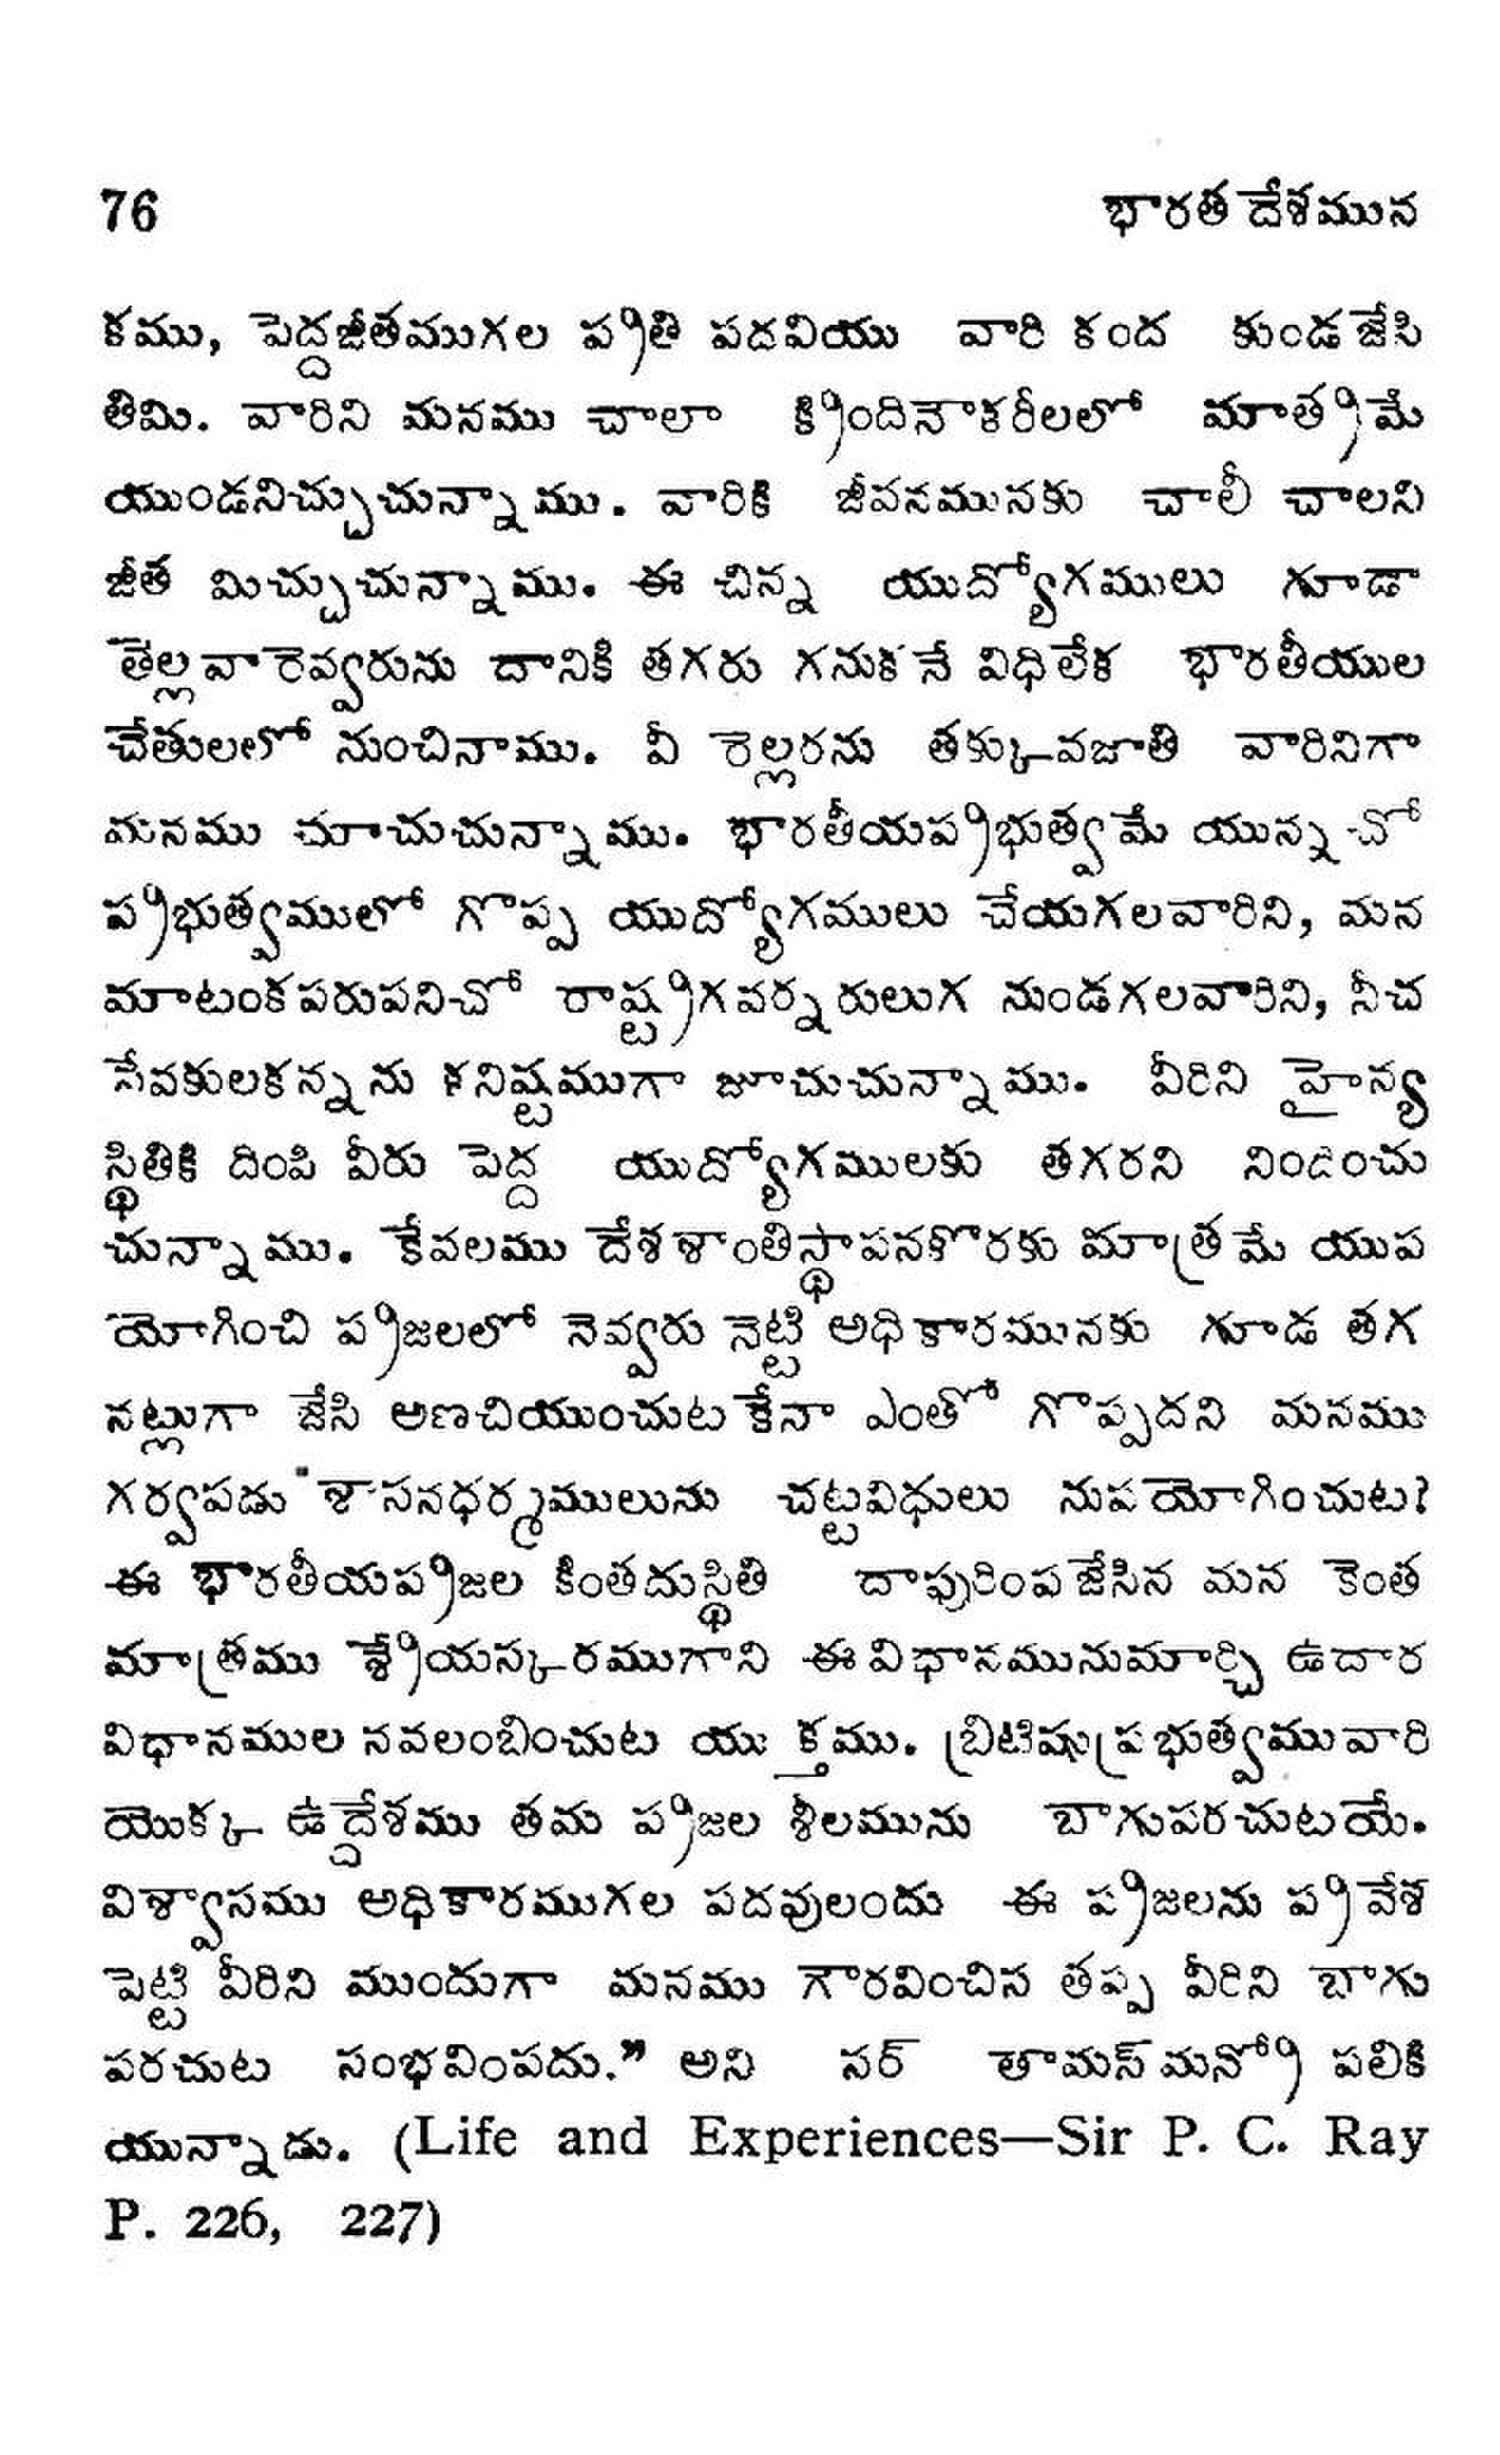కము, పెద్దజీతముగల ప్రతి పదవియు వారి కంద కుండజేసితిమి. వారిని మనము చాలా క్రిందినౌకరీలలో మాత్రమే యుండనిచ్చుచున్నాము. వారికి జీవనమునకు చాలీ చాలని జీత మిచ్చుచున్నాము. ఈ చిన్న యుద్యోగములు గూడా తెల్లవారెవ్వరును దానికి తగరు గనుకనే విధిలేక భారతీయుల చేతులలో నుంచినాము. వీ రెల్లరను తక్కువజాతి వారినిగా మనము చూచుచున్నాము. భారతీయప్రభుత్వమే యున్నచో ప్రభుత్వములో గొప్ప యుద్యోగములు చేయగలవారిని, మన మాటంకపరుపనిచో రాష్ట్ర గవర్నరులుగ నుండగలవారిని, నీచ సేవకులకన్నను కనిష్టముగా జూచుచున్నాము. వీరిని హైన్యస్థితికి దింపి వీరు పెద్ద యుద్యోగములకు తగరని నిందించుచున్నాము. కేవలము దేశశాంతిస్థాపనకొరకు మాత్రమే యుపయోగించి ప్రజలలో నెవ్వరు నెట్టి అధికారమునకు గూడ తగనట్లుగా జేసి అణచియుంచుట కేనా ఎంతో గొప్పదని మనము గర్వపడు "శాసనధర్మములును చట్టవిధులు నుపయోగించుట? ఈ భారతీయప్రజల కింతదుస్థితి దాపురింపజేసిన మన కెంతమాత్రము శ్రేయస్కరముగాని ఈవిధానమునుమార్చి ఉదార విధానముల నవలంబించుట యుక్తము. బ్రిటిషుప్రభుత్వమువారియొక్క ఉద్దేశము తమ ప్రజల శీలమును బాగుపరచుటయే. విశ్వాసము అధికారముగల పదవులందు ఈ ప్రజలను ప్రవేశపెట్టి వీరిని ముందుగా మనము గౌరవించిన తప్ప వీరిని బాగుపరచుట సంభవింపదు." అని సర్ తామస్‌మన్రో పలికియున్నాడు. (Life and Experiences-Sir P. C. Ray P. 226, 227)